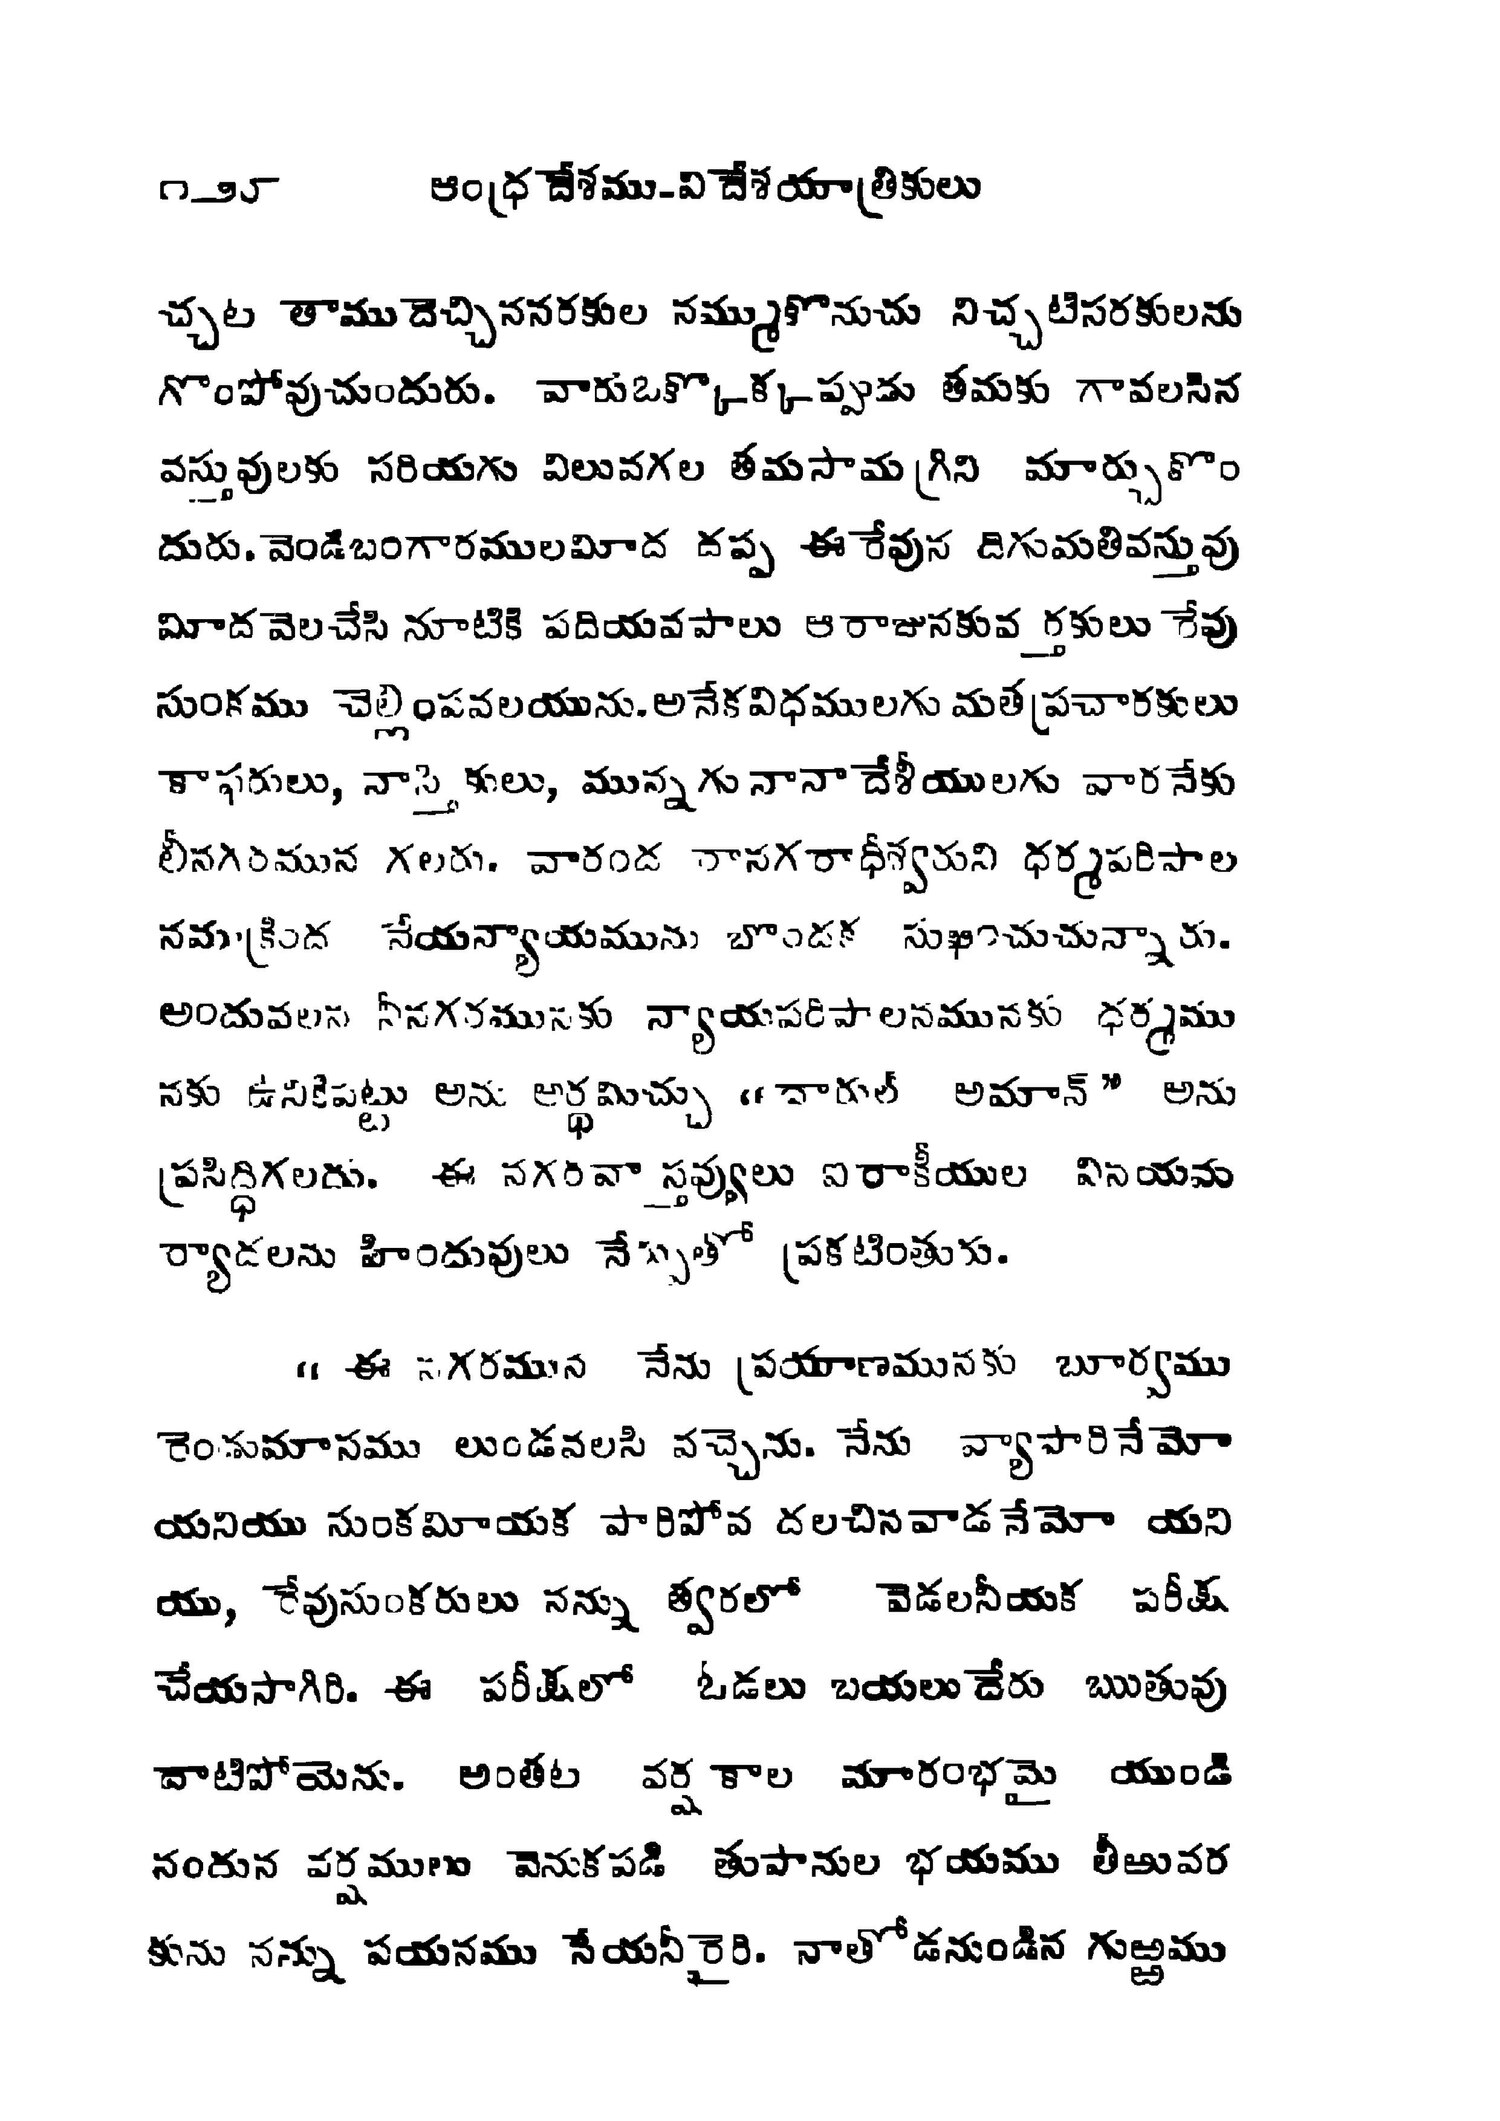చ్చట తాము దెచ్చినసరకుల నమ్ముకొనుచు నిచ్చటి సరకులను గొంపోవు చుందురు. వారు ఒక్కొక్కప్పుడు తమకు గావలసిన వస్తువులకు సరియగు విలువగల తమసామగ్రిని మార్చుకొందురు. వెండిబంగారముల మీద దప్ప ఈరేవున దిగుమతి వస్తువు మీదవెలచేసి నూటికి పదియవపాలు ఆరాజునకు వర్తకులు రేవుసుంకము చెల్లింప వలయును. అనేక విధములగు మతప్రచారకులు కాఫరులు, నాస్తికులు, మున్నగు నానాదేశీయులగు వారనేకు లీనగరమున గలరు. వారంద రానగరాధీశ్వరుని ధర్మపరిపాలనము క్రింద నే యన్యాయమును బొందక సుఖించు చున్నారు. అందువలన నీ నగరమునకు న్యాయపరిపాలనమునకు ధర్మమునకు ఉనికిపట్టు అను అర్థమిచ్చు "దారుల్ అమాన్" అను ప్రసిద్ధిగలదు. ఈ నగరి వాస్తవ్యులు ఐరాకీయుల వినయ మర్యాదలను హిందువులు నేర్పుతో ప్రకటింతురు.

"ఈ నగరమున నేను ప్రయాణమునకు బూర్వము రెండు మాసము లుండవలసి వచ్చెను. నేను వ్యాపారినేమో యనియు సుంకమీయక పారిపోవ దలచిన వాడనేమో యనియు, రేవుసుంకరులు నన్ను త్వరలో వెడలనీయక పరీక్ష చేయసాగిరి. ఈ పరీక్షలో ఓడలు బయలుదేరు ఋతువు దాటిపోయెను. అంతట వర్షకాల మారంభమై యుండి నందున వర్షములు వెనుకబడి తుపానుల భయము తీఱువరకును నన్ను పయనము సేయనీరైరి. నాతోనుండిన గుఱ్ఱము